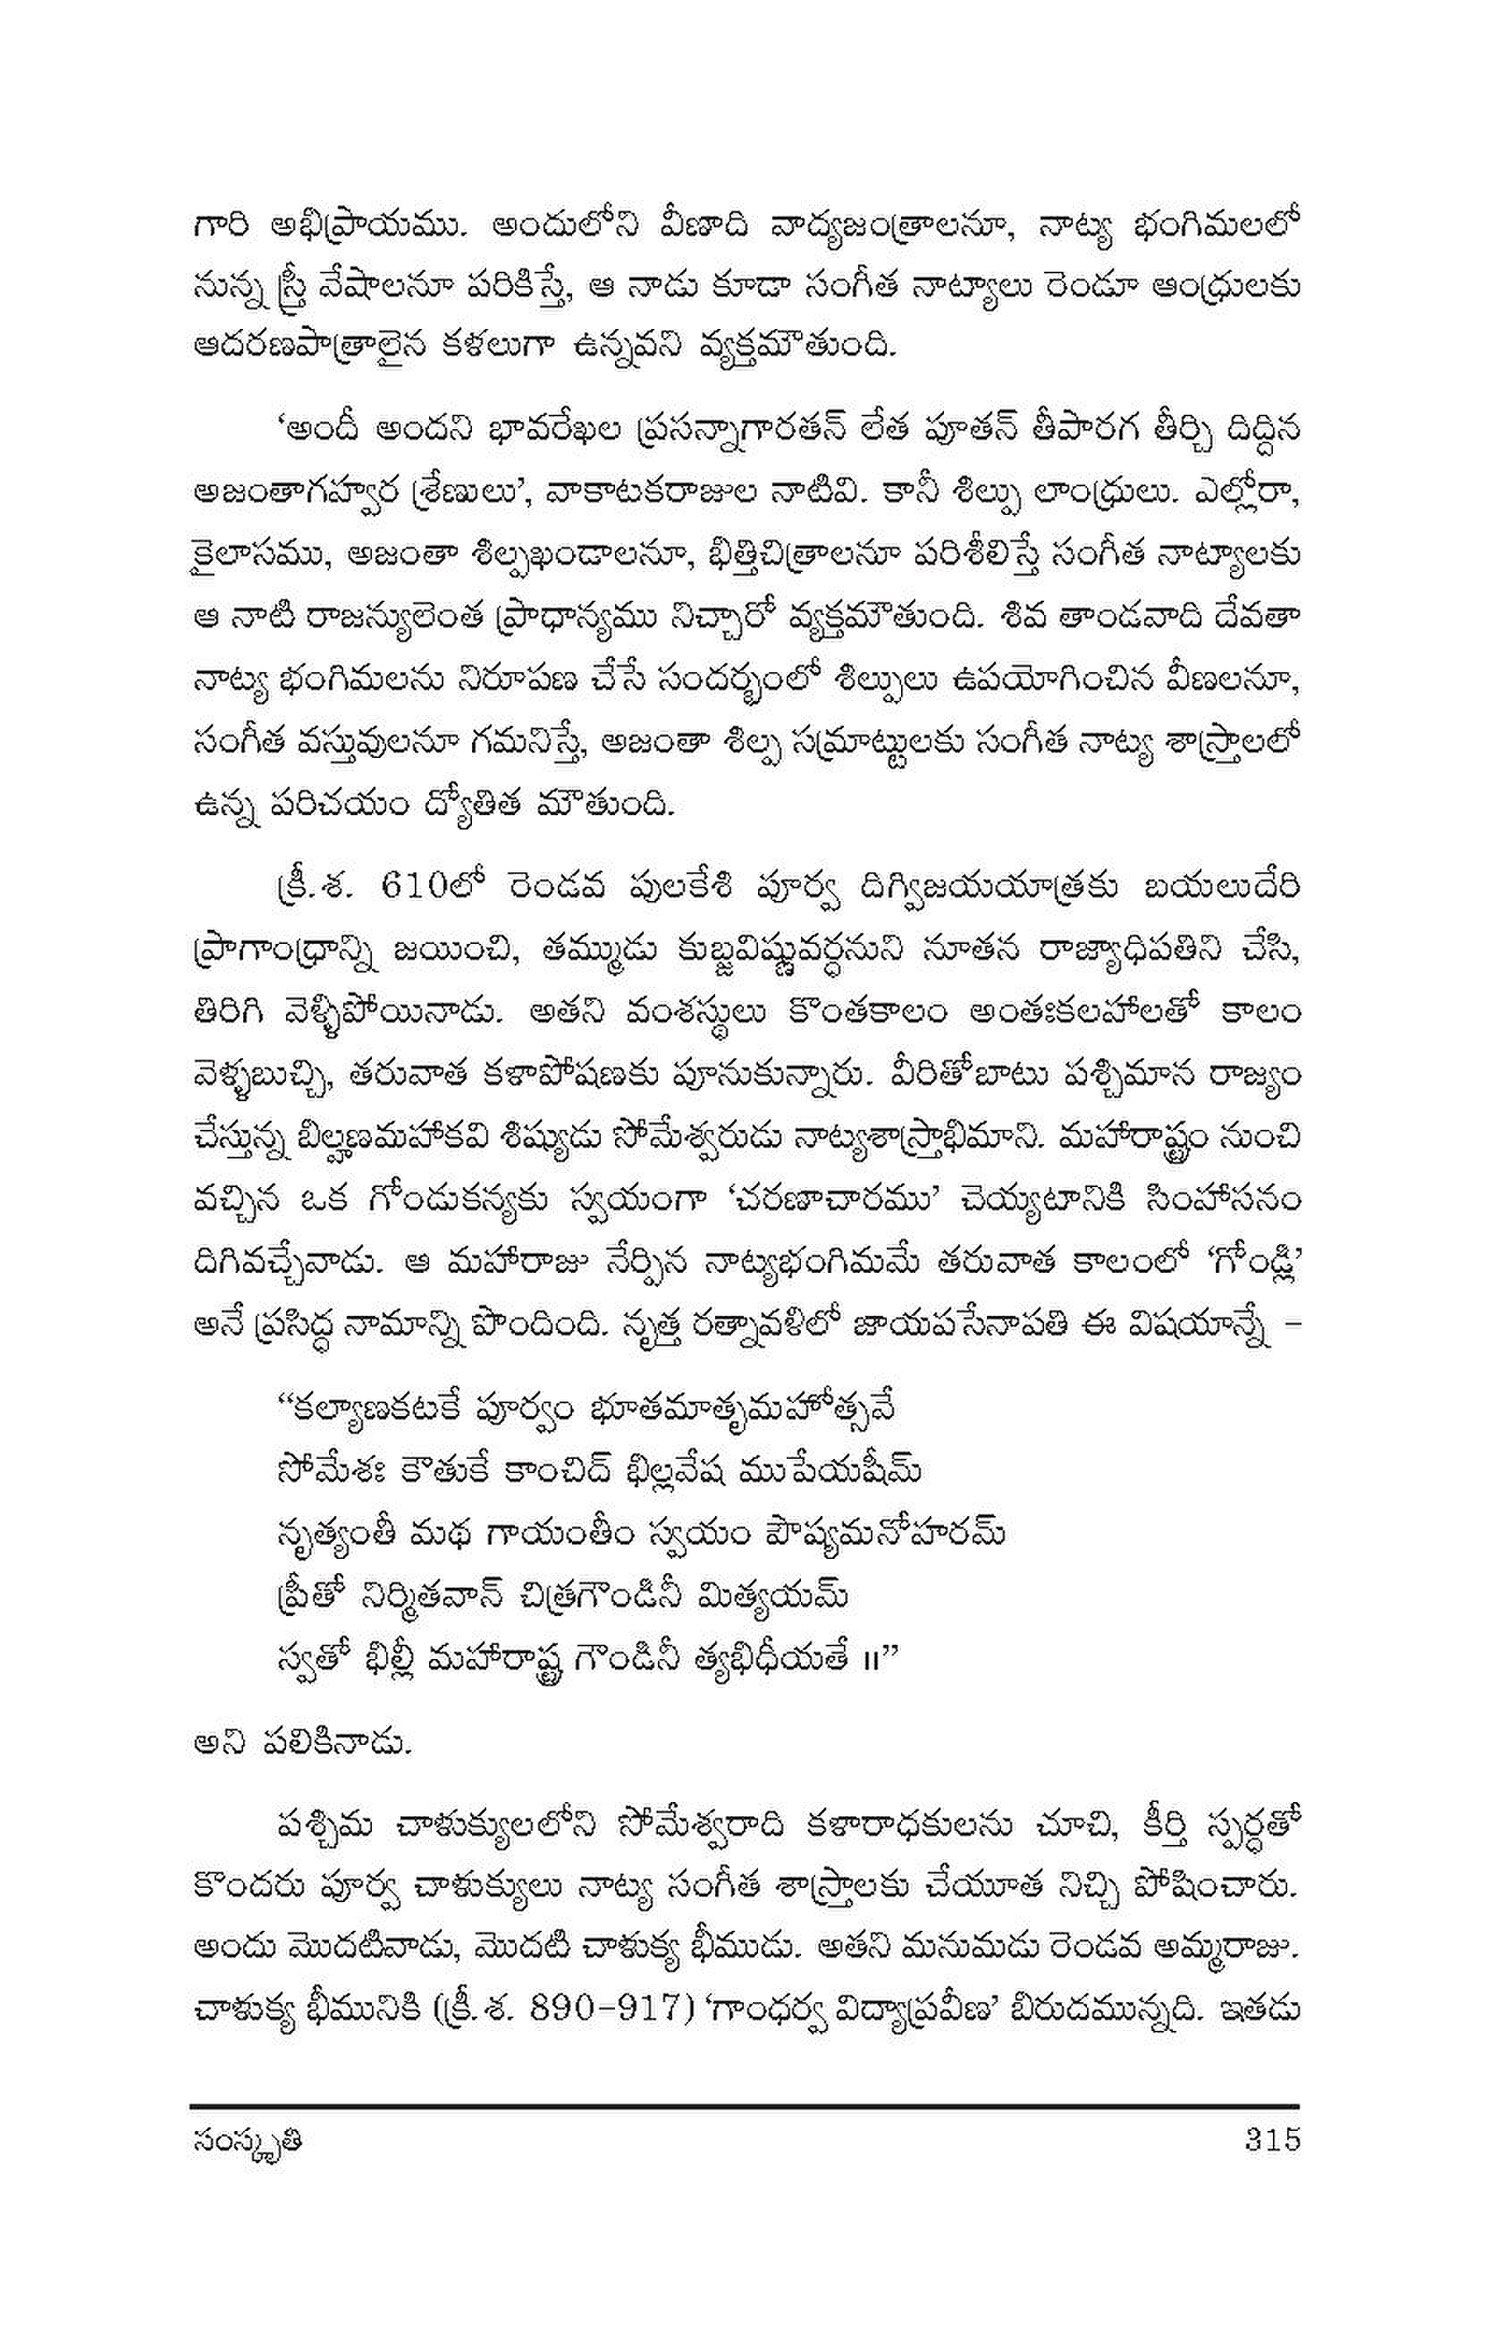గారి అభిప్రాయము. అందులోని వీణాది వాద్యజంత్రాలనూ, నాట్య భంగిమలలో
నున్న స్త్రీ వేషాలనూ పరికిస్తే, ఆ నాడు కూడా సంగీత నాట్యాలు రెండూ ఆంధ్రులకు
ఆదరణపాత్రాలైన కళలుగా ఉన్నవని వ్యక్తమౌతుంది.

'అందీ అందని భావరేఖల ప్రసన్నాగారతన్ లేత పూతన్ తీపారగ తీర్చి దిద్దిన
అజంతాగహ్వర శ్రేణులు', వాకాటకరాజుల నాటివి. కానీ శిల్పు లాంధ్రులు. ఎల్లోరా,
కైలాసము, అజంతా శిల్పఖండాలనూ, భిత్తిచిత్రాలనూ పరిశీలిస్తే సంగీత నాట్యాలకు
ఆ నాటి రాజన్యులెంత ప్రాధాన్యము నిచ్చారో వ్యక్తమౌతుంది. శివ తాండవాది దేవతా
నాట్య భంగిమలను నిరూపణ చేసే సందర్భంలో శిల్పులు ఉపయోగించిన వీణలనూ,
సంగీత వస్తువులనూ గమనిస్తే, అజంతా శిల్ప సమ్రాట్టులకు సంగీత నాట్య శాస్త్రాలలో
ఉన్న పరిచయం ద్యోతిత మౌతుంది.

క్రీ.శ. 610లో రెండవ పులకేశి పూర్వ దిగ్విజయయాత్రకు బయలుదేరి
ప్రాగాంధ్రాన్ని జయించి, తమ్ముడు కుబ్జవిష్ణువర్ధనుని నూతన రాజ్యాధిపతిని చేసి,
తిరిగి వెళ్ళిపోయినాడు. అతని వంశస్థులు కొంతకాలం అంతఃకలహాలతో కాలం
వెళ్ళబుచ్చి, తరువాత కళాపోషణకు పూనుకున్నారు. వీరితోబాటు పశ్చిమాన రాజ్యం
చేస్తున్న బిల్హణమహాకవి శిష్యుడు సోమేశ్వరుడు నాట్యశాస్త్రాభిమాని. మహారాష్ట్రం నుంచి
వచ్చిన ఒక గోండుకన్యకు స్వయంగా 'చరణాచారము' చెయ్యటానికి సింహాసనం
దిగివచ్చేవాడు. ఆ మహారాజు నేర్పిన నాట్యభంగిమమే తరువాత కాలంలో 'గోండ్లి'
అనే ప్రసిద్ధ నామాన్ని పొందింది. నృత్త రత్నావళిలో జాయపసేనాపతి ఈ విషయాన్నే -

"కల్యాణకటకే పూర్వం భూతమాతృమహోత్సవే
సోమేశః కౌతుకే కాంచిద్ భిల్లవేష ముపేయషీమ్
నృత్యంతీ మథ గాయంతీం స్వయం పౌష్యమనోహరమ్
ప్రీతో నిర్మితవాన్ చిత్రగౌండినీ మిత్యయమ్
స్వతో భిల్లీ మహారాష్ట్ర గౌండినీ త్యభిధీయతే ॥” 

అని పలికినాడు.

పశ్చిమ చాళుక్యులలోని సోమేశ్వరాది కళారాధకులను చూచి, కీర్తి స్పర్ధతో
కొందరు పూర్వ చాళుక్యులు నాట్య సంగీత శాస్త్రాలకు చేయూత నిచ్చి పోషించారు.
అందు మొదటివాడు, మొదటి చాళుక్య భీముడు. అతని మనుమడు రెండవ అమ్మరాజు.
చాళుక్య భీమునికి (క్రీ.శ. 890-917) 'గాంధర్వ విద్యాప్రవీణ' బిరుదమున్నది. ఇతడు